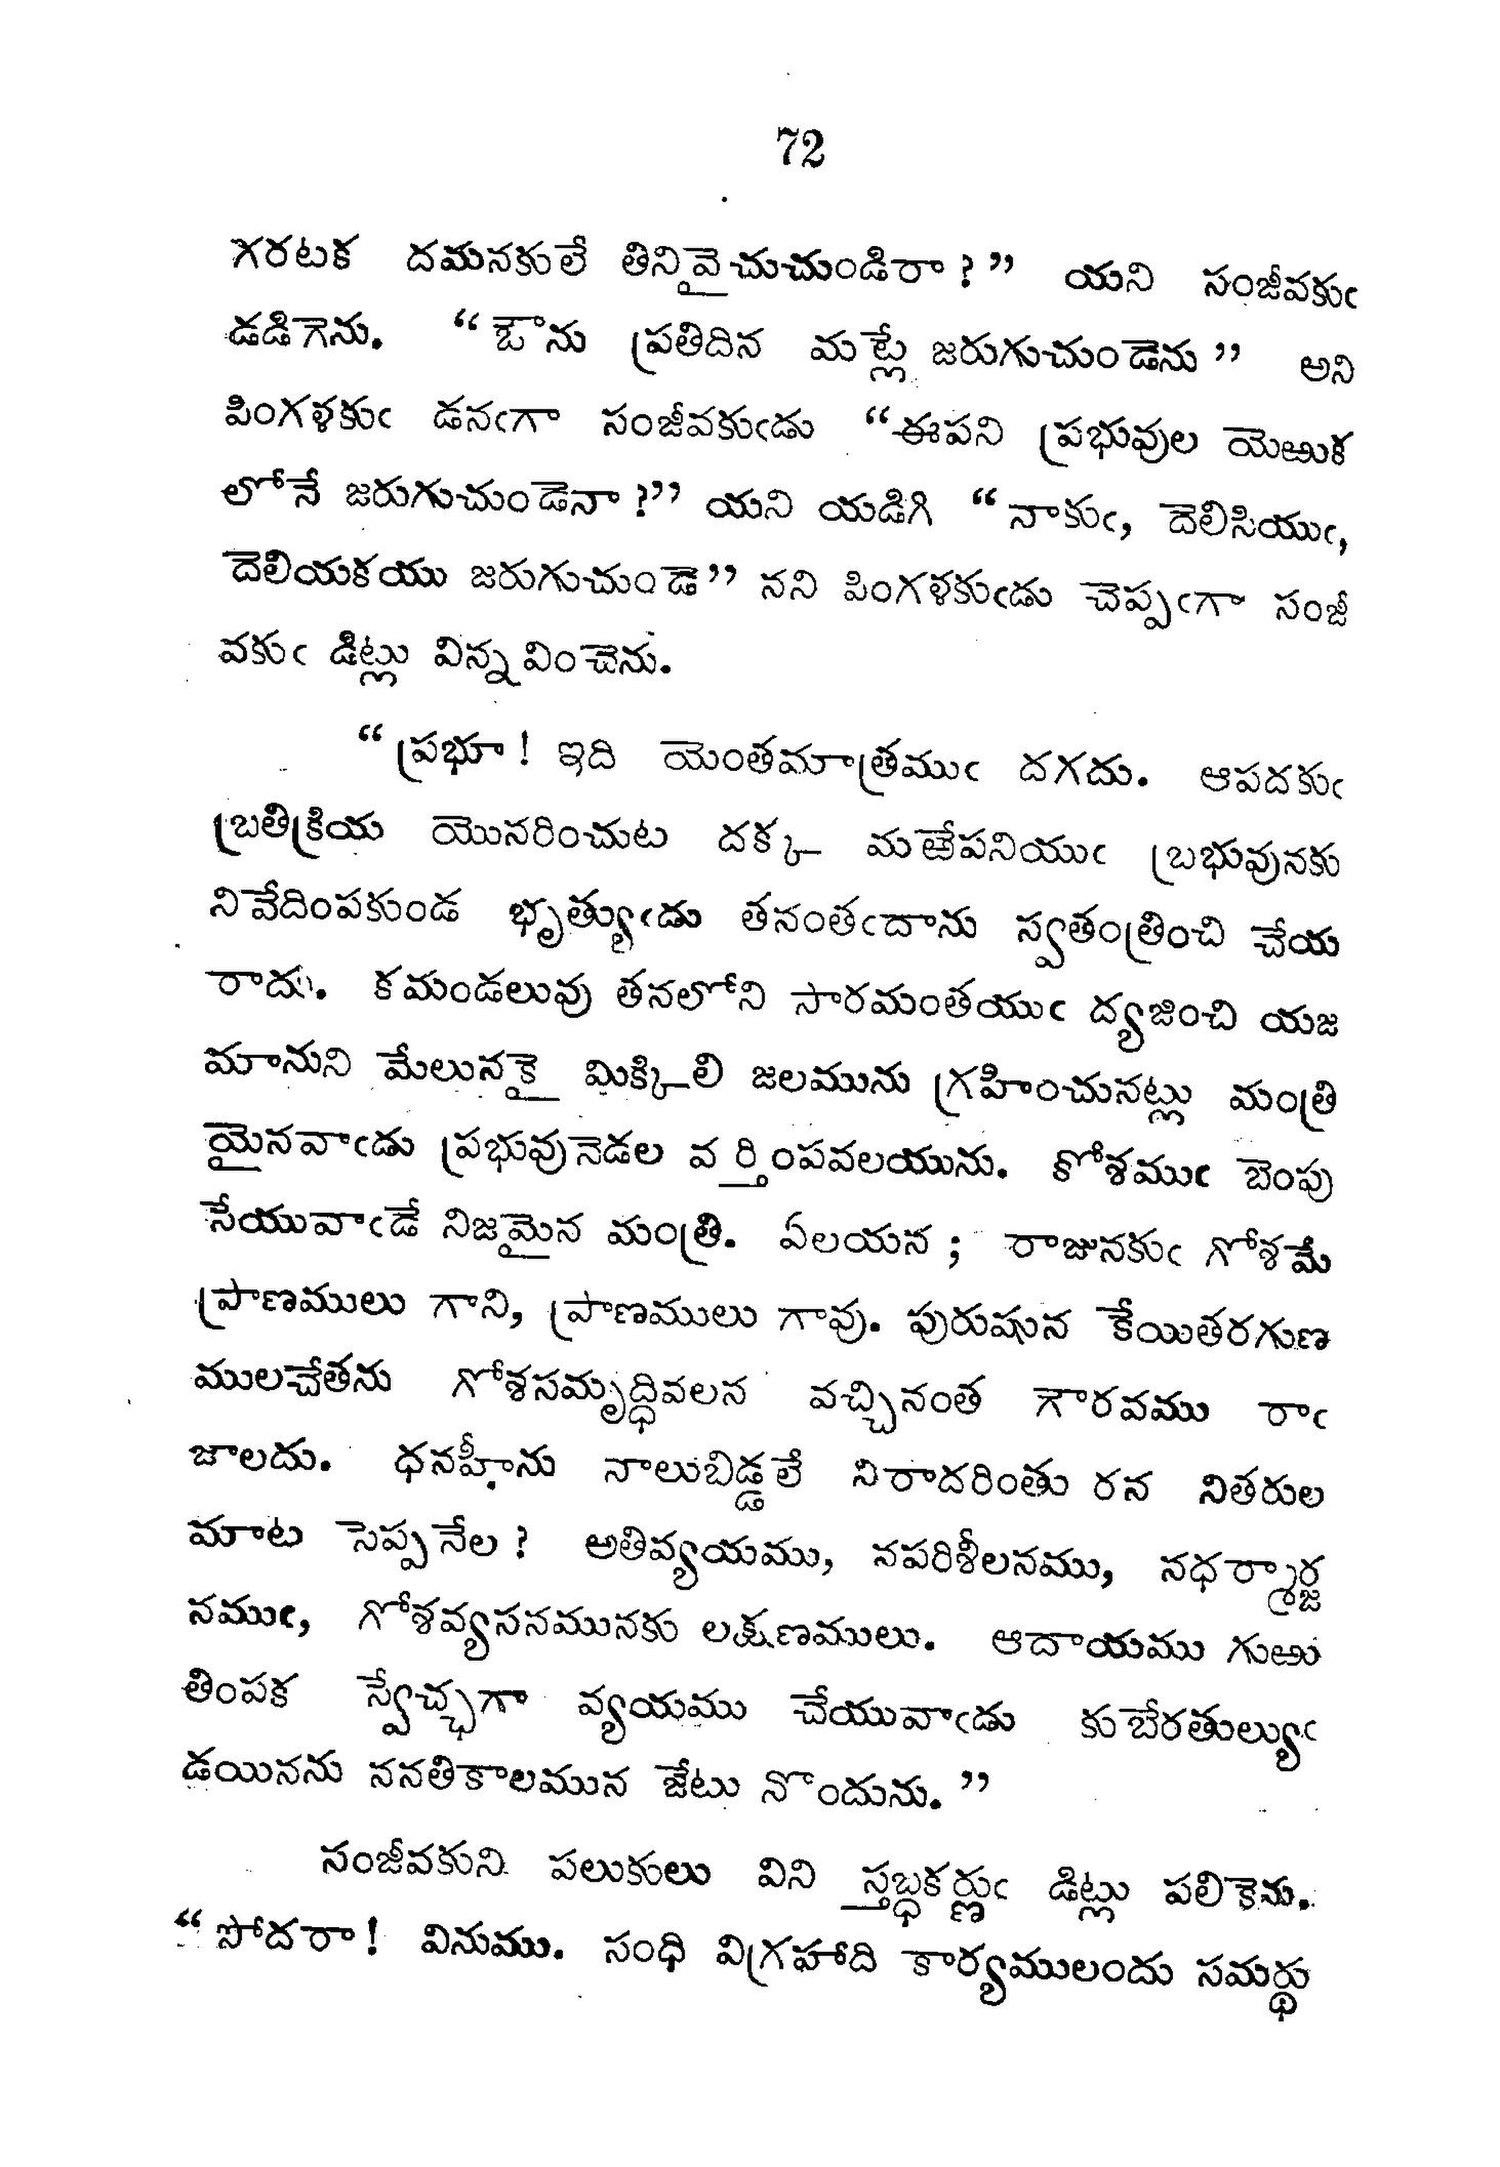గరటక దమనకులే తినివైచుచుండిరా?" యని సంజీవకుడడిగెను. "ఔను ప్రతిదిన మట్లే జరుగుచుండెను" అని పింగళకు డనగా సంజీవకుడు "ఈపని ప్రభువుల యెఱుకలోనే జరుగుచుండెనా?" యని యడిగి "నాకు, దెలిసియు దెలియకయు జరుగుచుండె" నని పింగళకుడు చెప్పగా సంజీవకు డిట్లు విన్నవించెను.

ప్రభూ! ఇది యెంతమాత్రము దగదు. ఆపదకు బ్రతిక్రియ యొనరించుట దక్క మఱేపనియు బ్రభువునకు నివేదింపకుండ భృత్యుడు తనంతదాను స్వతంత్రించి చేయరాదు. కమండలువు తనలోని సారమంతయు ద్యజించి యజమానుని మేలునకై మిక్కిలి జలమును గ్రహించునట్లు మంత్రియైనవాడు ప్రభువునెడల వర్తింపవలయును. కోశము బెంపు సేయువాడే నిజమైన మంత్రి. ఏలయన; రాజునకు గోశమే ప్రాణములు గాని, ప్రాణములు గావు. పురుషున కేయితరగుణములచేతను గోశసమృద్ధివలన వచ్చినంత గౌరవము రాజాలదు. ధనహీను నాలుబిడ్డలే నిరాదరింతు రన నితరుల మాట సెప్పనేల? అతివ్యయము, సపరిశీలనము, సధర్మార్జనము, గోశవ్యసనమునకు లక్షణములు. ఆదాయము గుఱుతింపక స్వేచ్ఛగా వ్యయము చేయువాడు కుబేరతుల్యుడయినను ననతికాలమున జేటు నొందును."

సంజీవకుని పలుకులు విని స్తబ్ధకర్ణు డిట్లు పలికెను. "సోదరా! వినుము. సంధి విగ్రహాది కార్యములందు సమర్థు